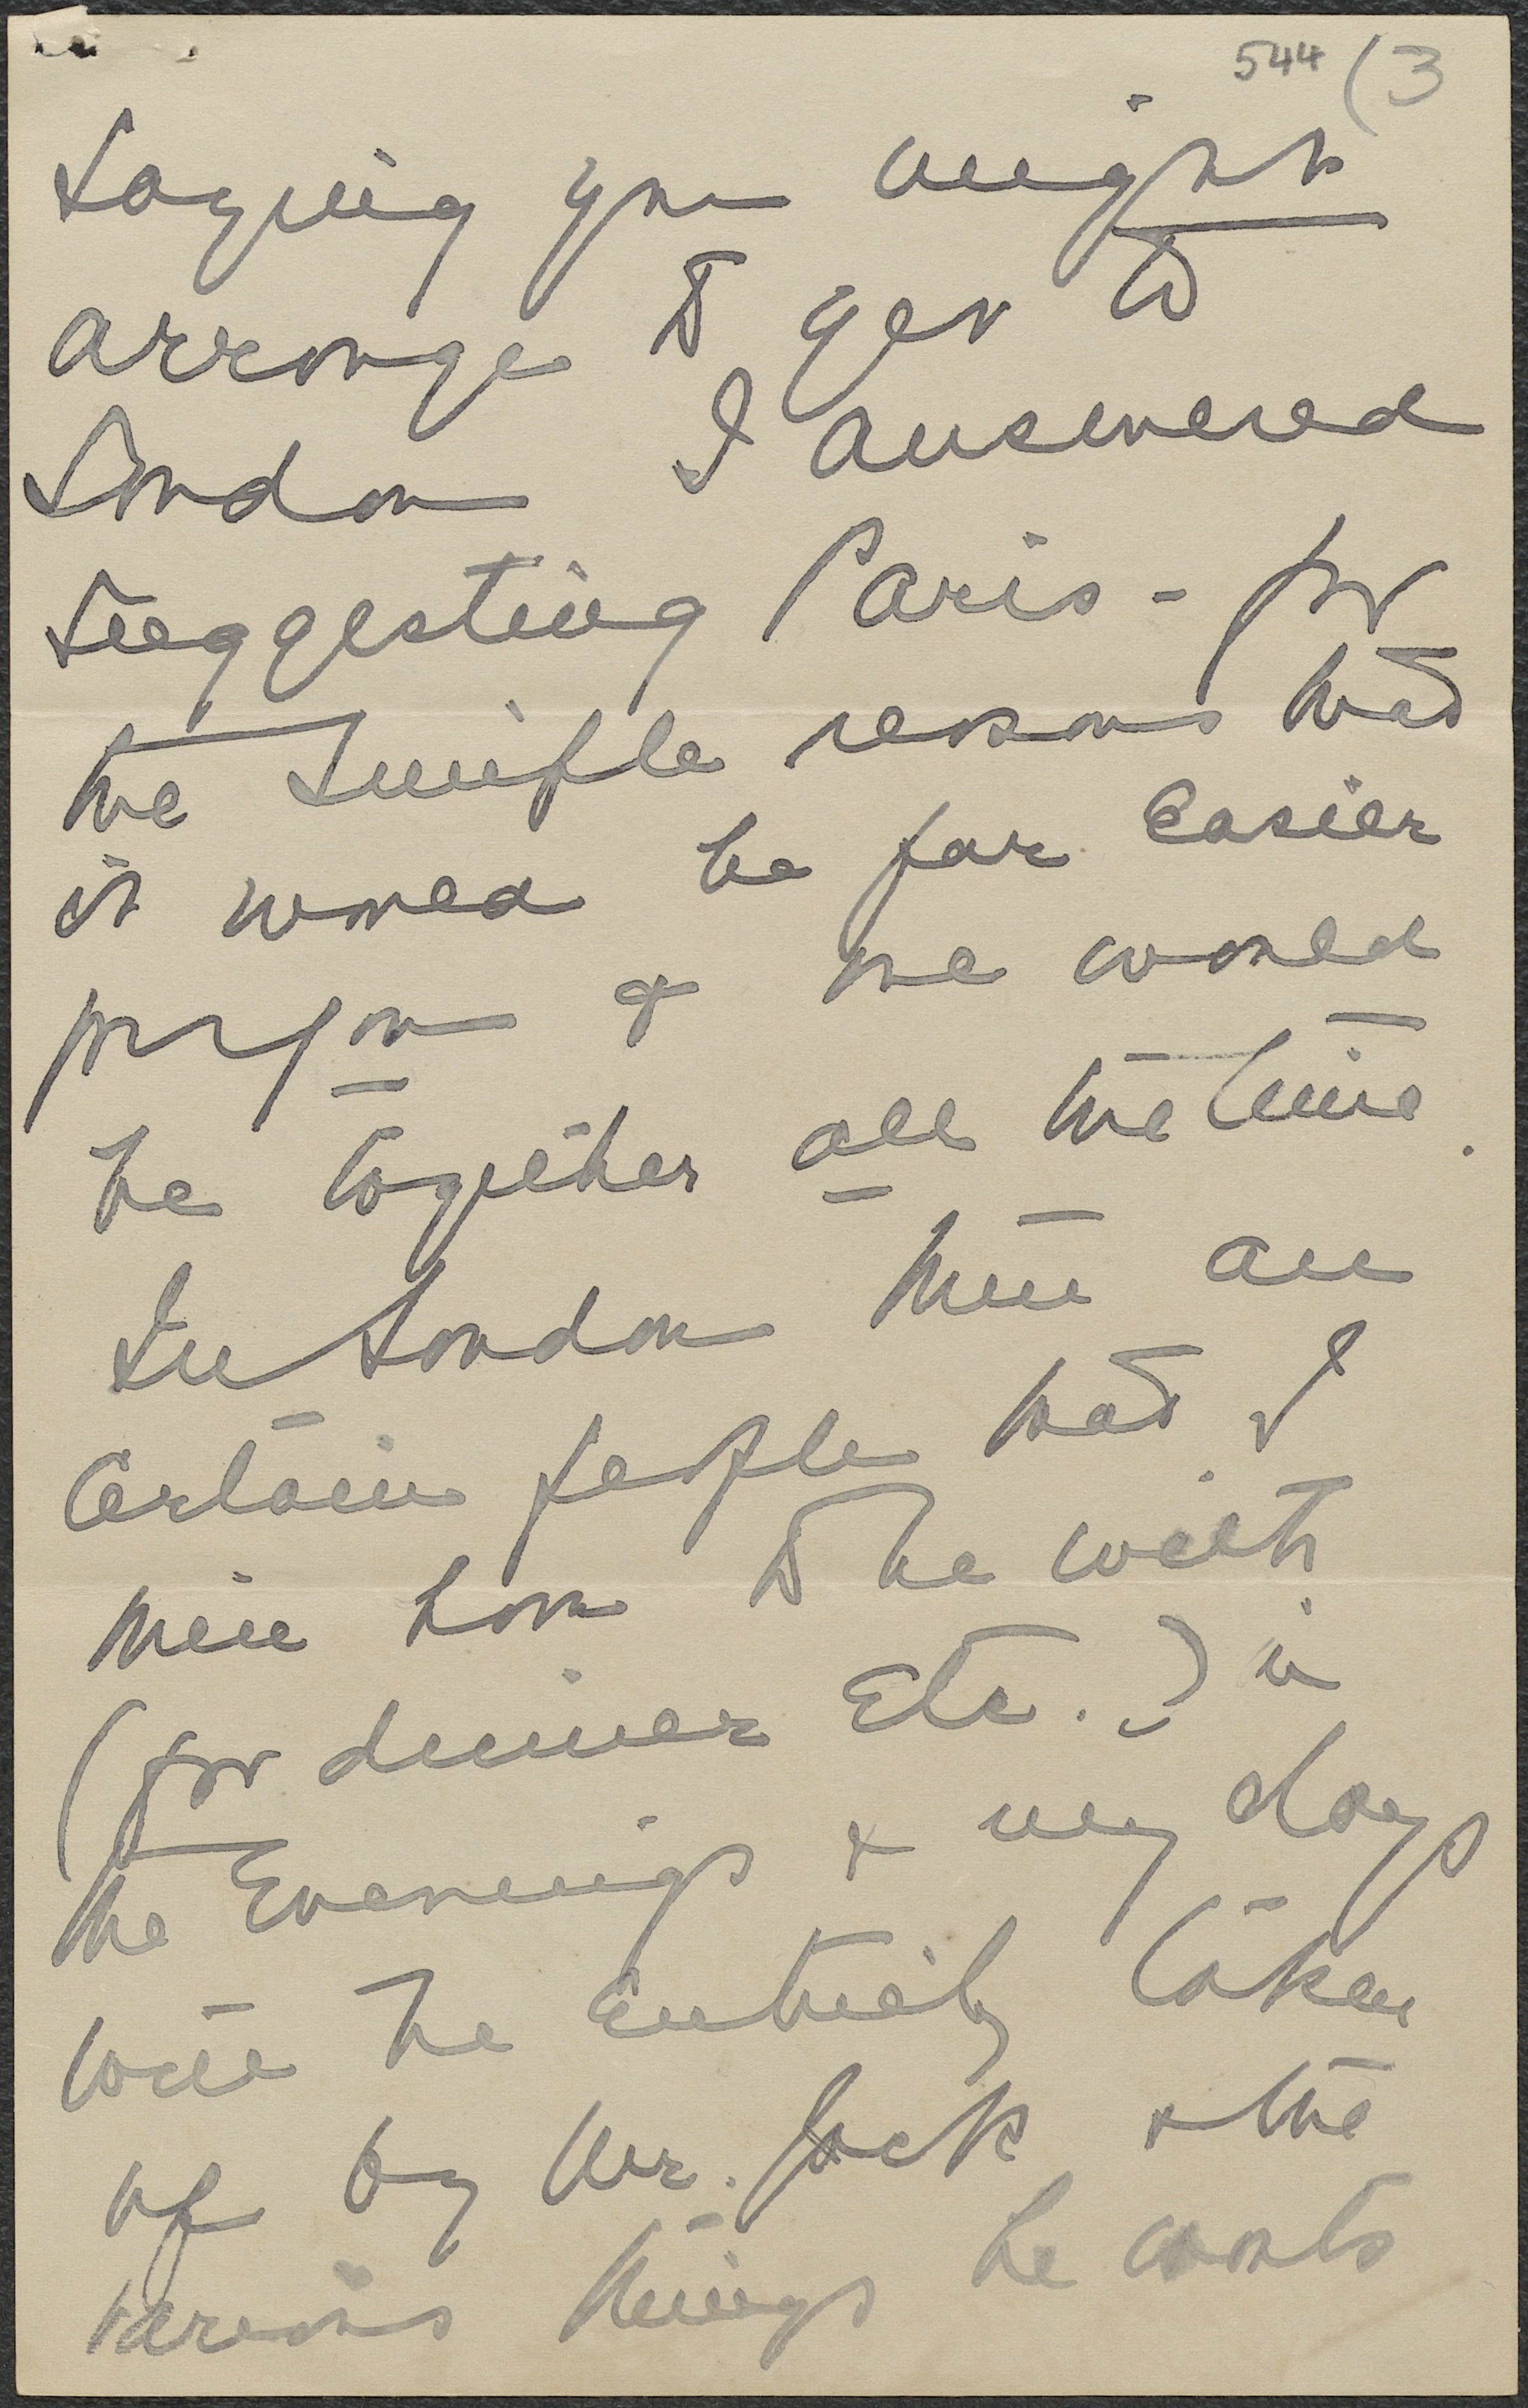saying you might arrange to get to London I answered suggesting Paris – for the simple reason that it would be far easier for you & me would be together all the time. In London there are certain people that I will have to be with (for dinner etc.) in the evenings & my days will be entirely taken up by Mr. Jack & the various things he wants